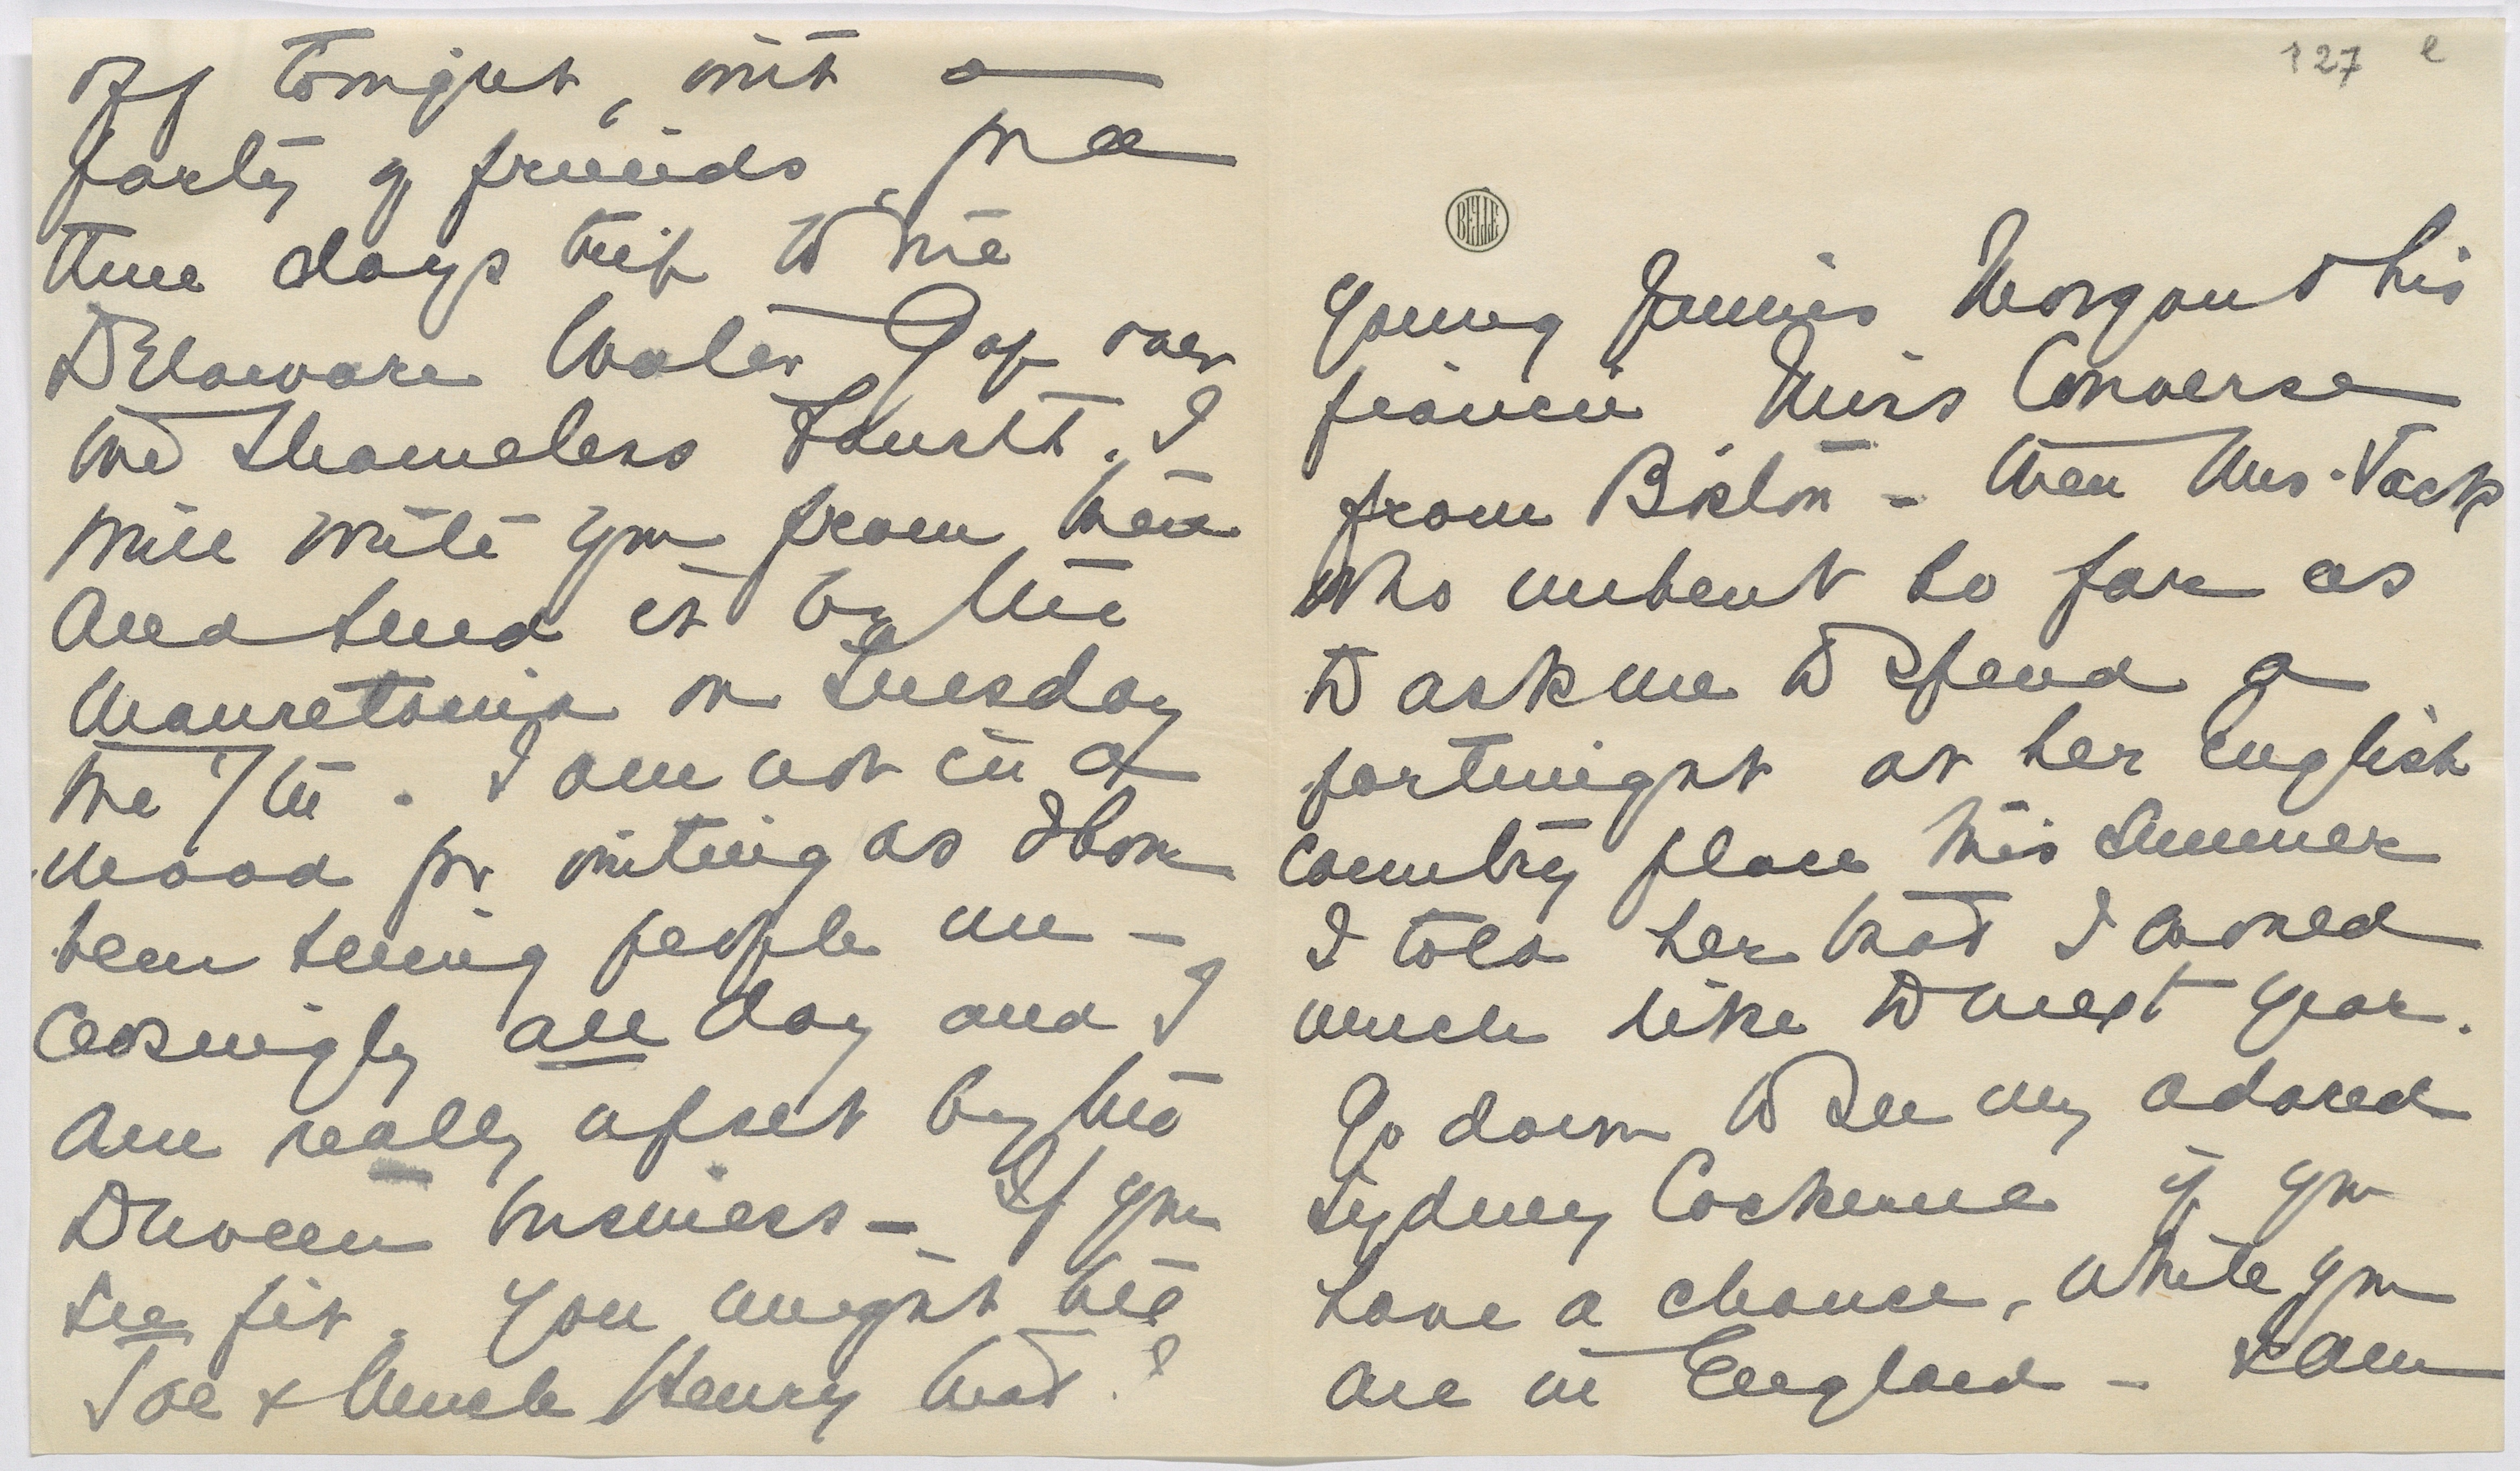young Junius Morgan & his fiancée Miss Converse from Boston – then Mrs. Jack who unbent so far as to ask me to spend a fortnight at her English country place this summer I told her that I would much like to next year. Go down to see my adored Sydney Cockerell if you have a chance – while you are in England – I am
off tonight, with a party of friends for a three days trip to the Delaware Water Gap over the Shameless fourth. I will write you from there and send it by the Mauretania on Tuesday the 7th. I am not in a mood for writing as I have been seeing people unceasingly all day and I am really upset by the Duveen business – If you see fit you might tel [sic] Joe & Uncle Henry that I